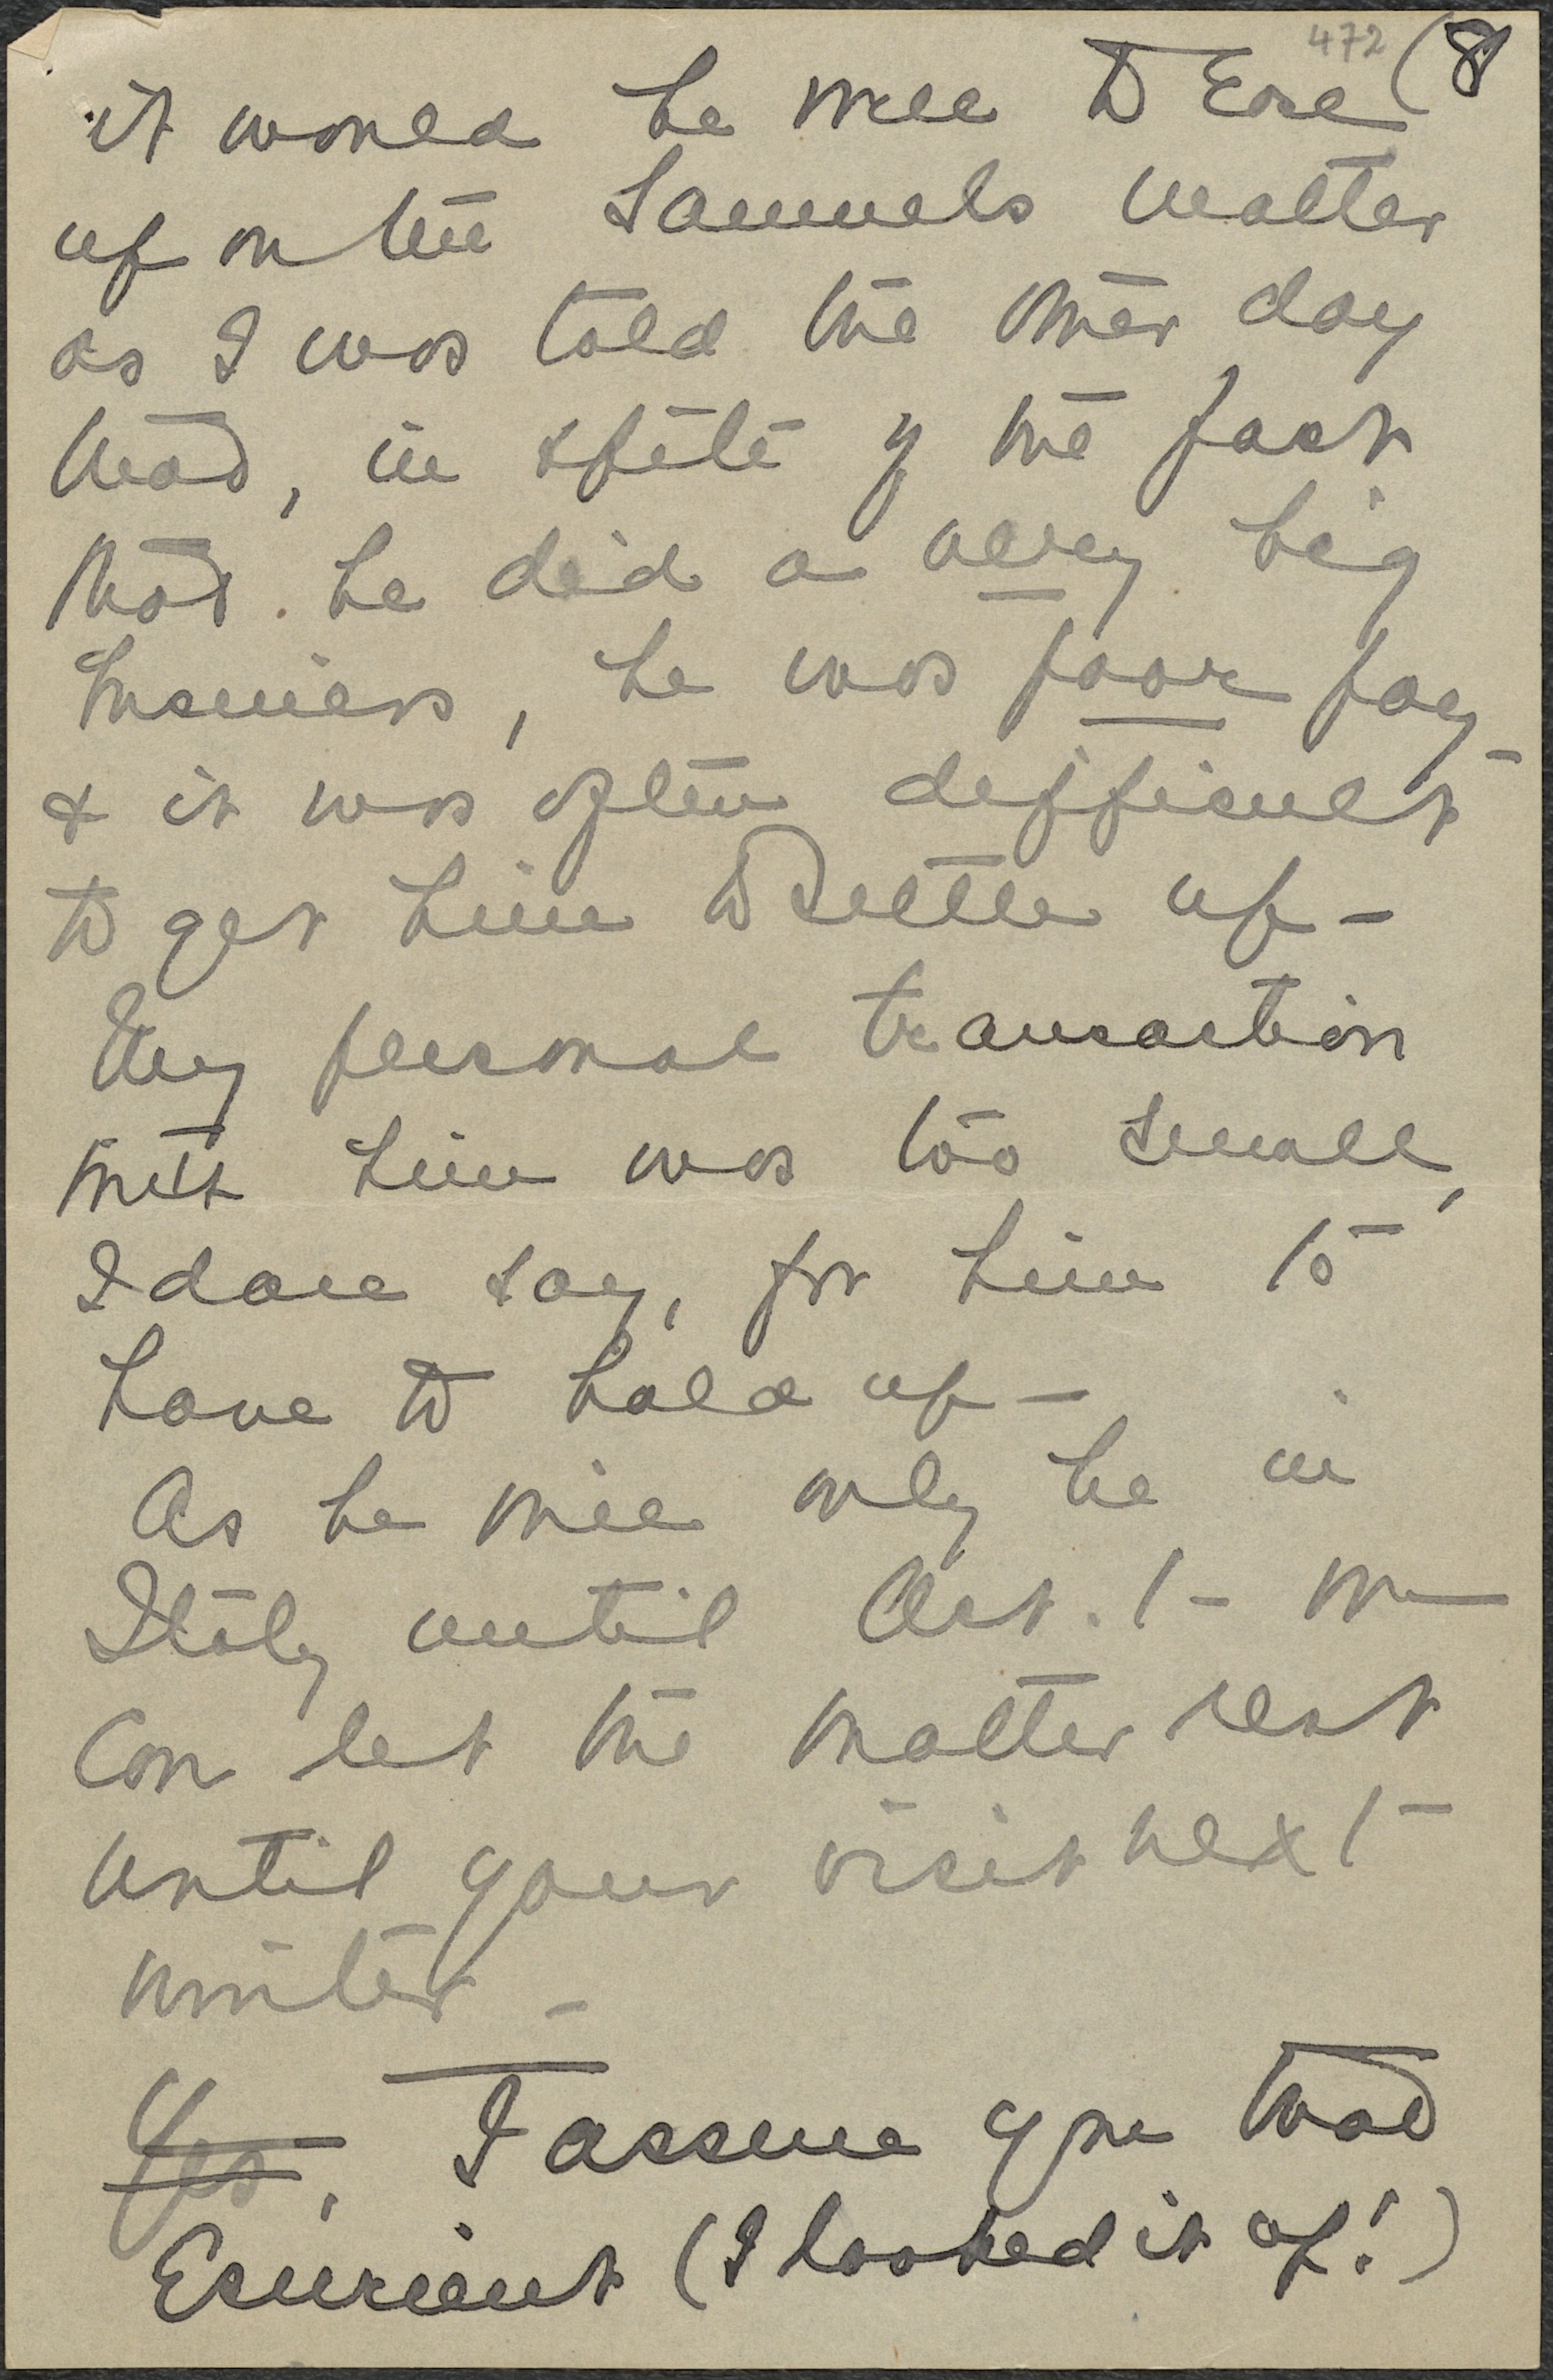it would be well to ease up on the Samuels matter as I was told the other day that, in spite of the past that he did a very big business, he was poor pay & to get him to settle up – My personal transaction with him was too small, I dare say, for him to have to hold up –
As he will only be in Italy until Oct. 1 – we can let the matter rest until your visit next winter –
Yes. I assure you that ésurient [sic] (I looked it up!)